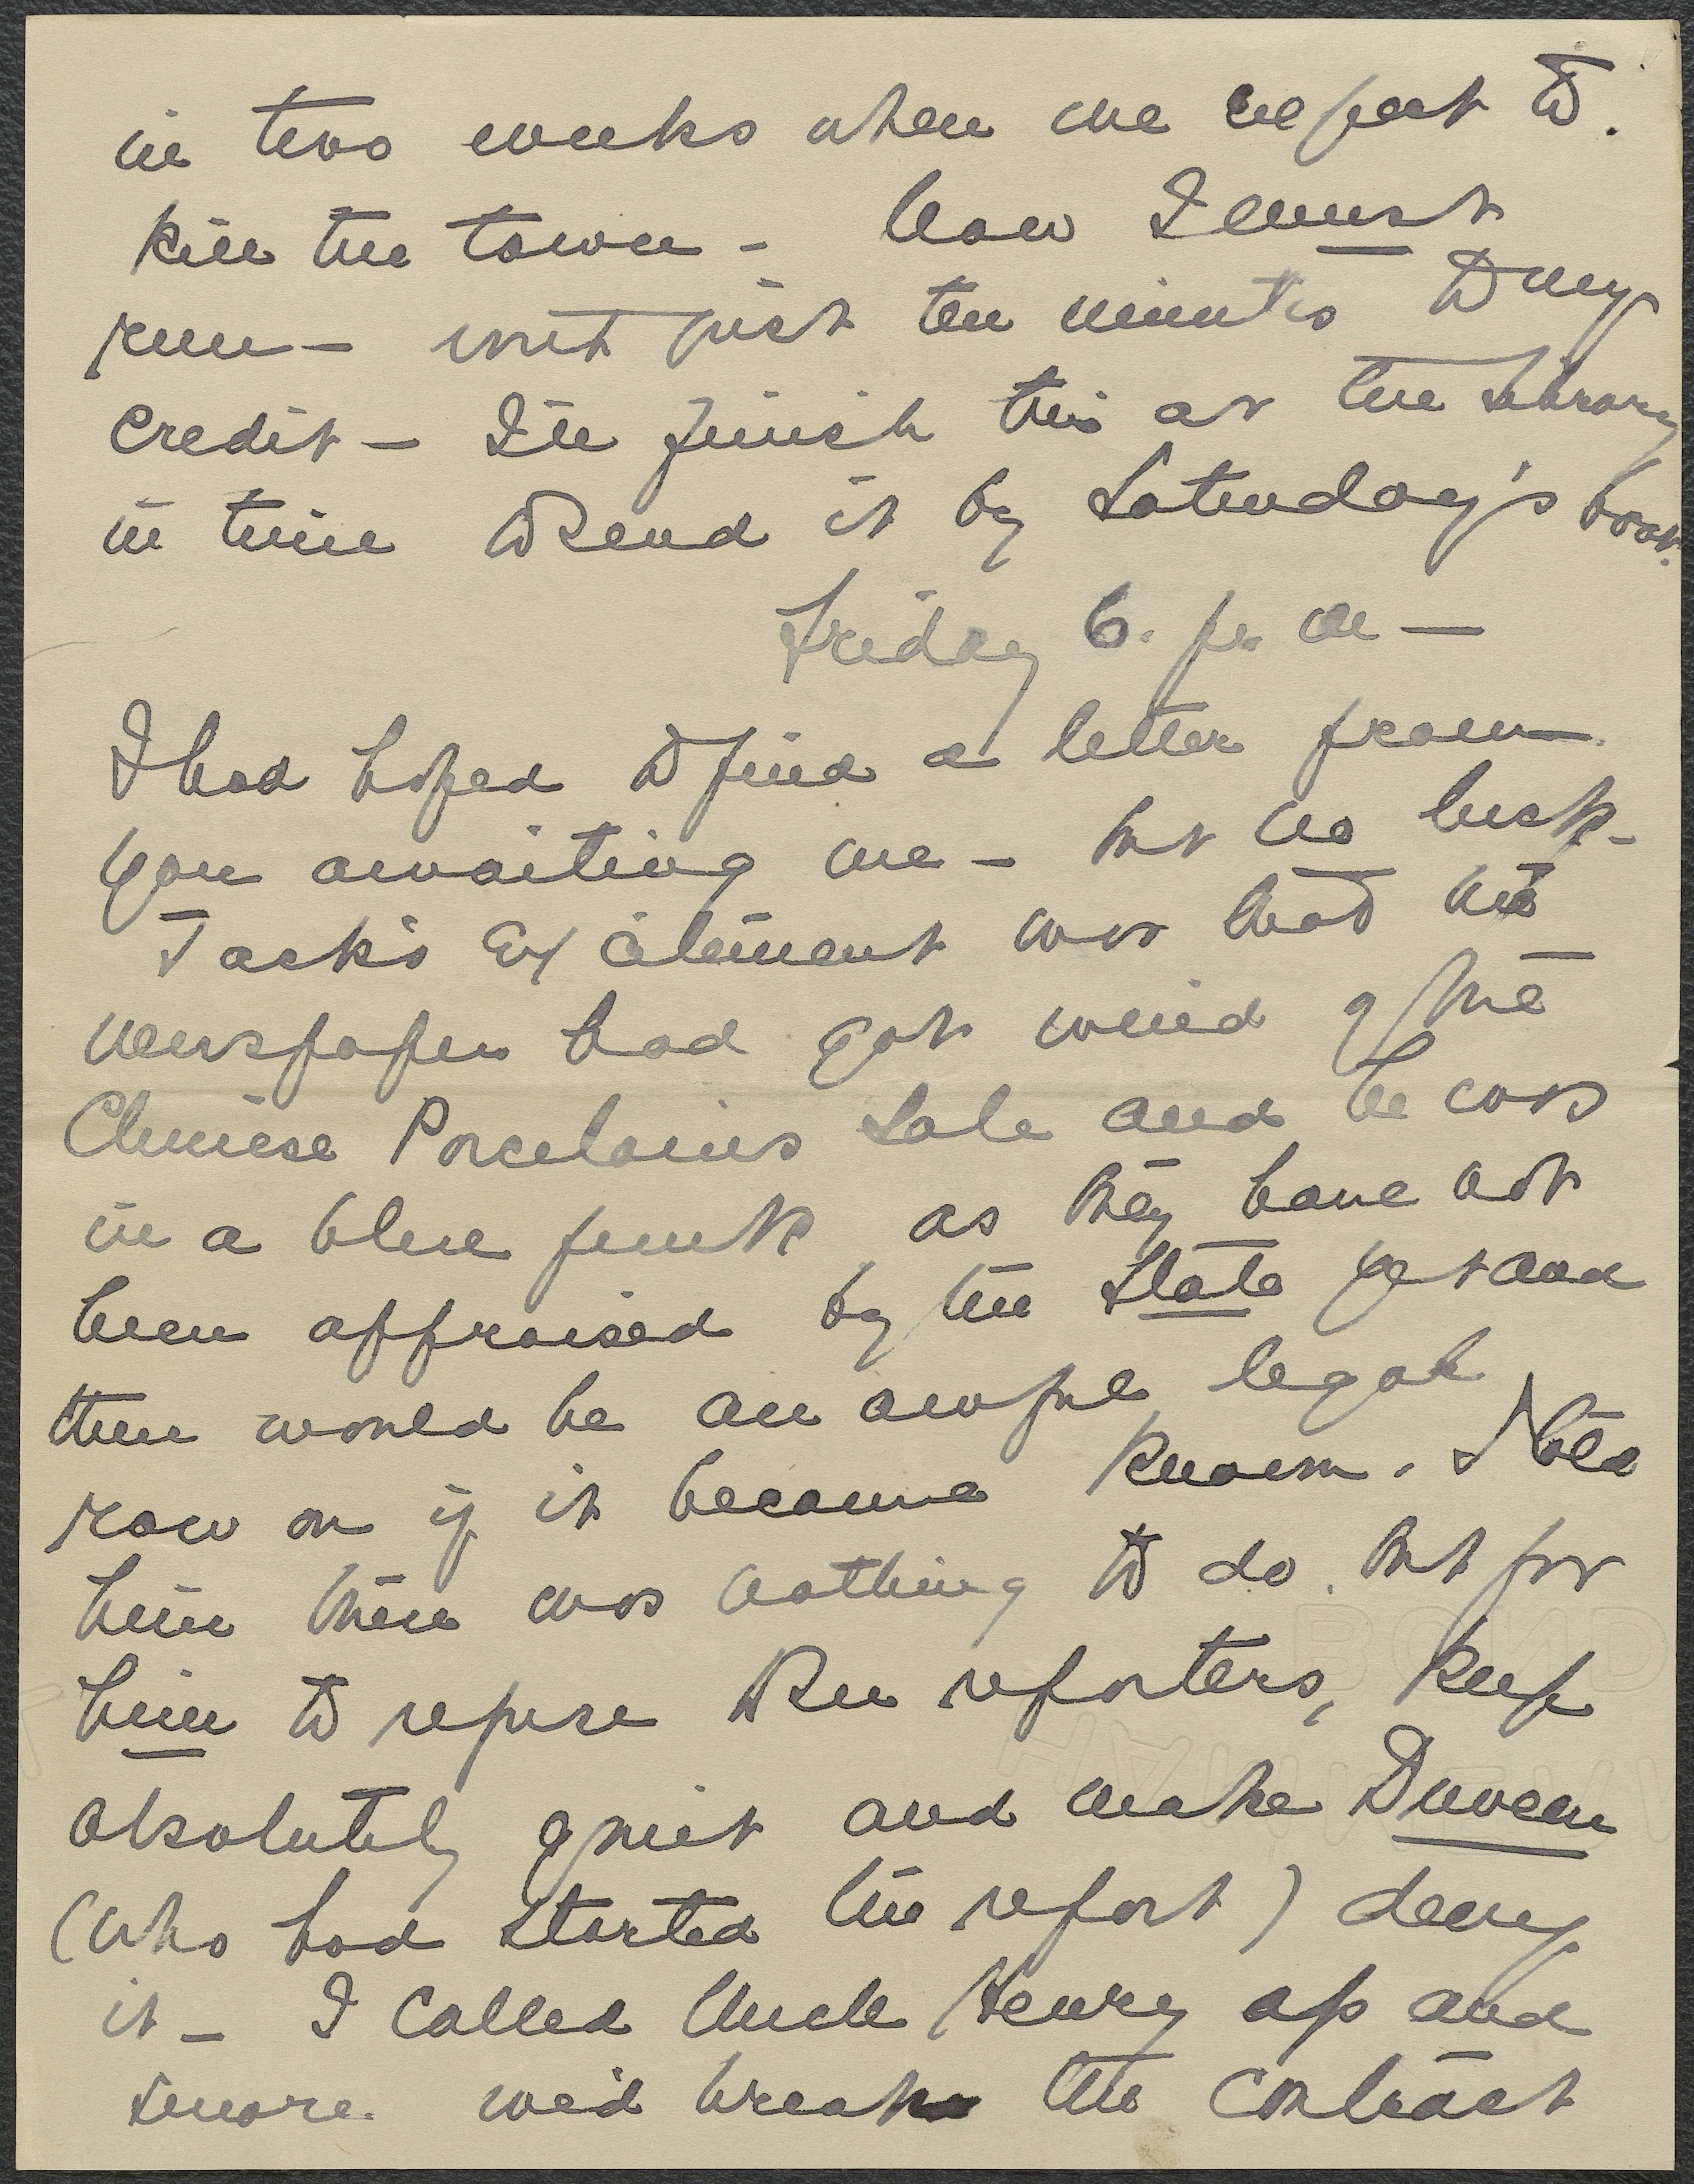in two weeks when we expect to kill the town – now I must run – with just ten minutes to my credit – I’ll finish this at the Library in time to send it by Saturday’s boat.
Friday 6. p.m –
I had hoped to find a letter from you awaiting me – but no luck – Jack’s excitement was that the newspaper had got wind of the Chinese Porcelain sale and he was in a blue funk as they have not been appraised by the state yet and then would be an awful legal row on if it became known. I told him there was nothing to do but for him to refuse to see reporters, keep absolutely quiet and make Duveen (who had started the report) deny it – I called Chuck Henry up and swore we’d break the contract